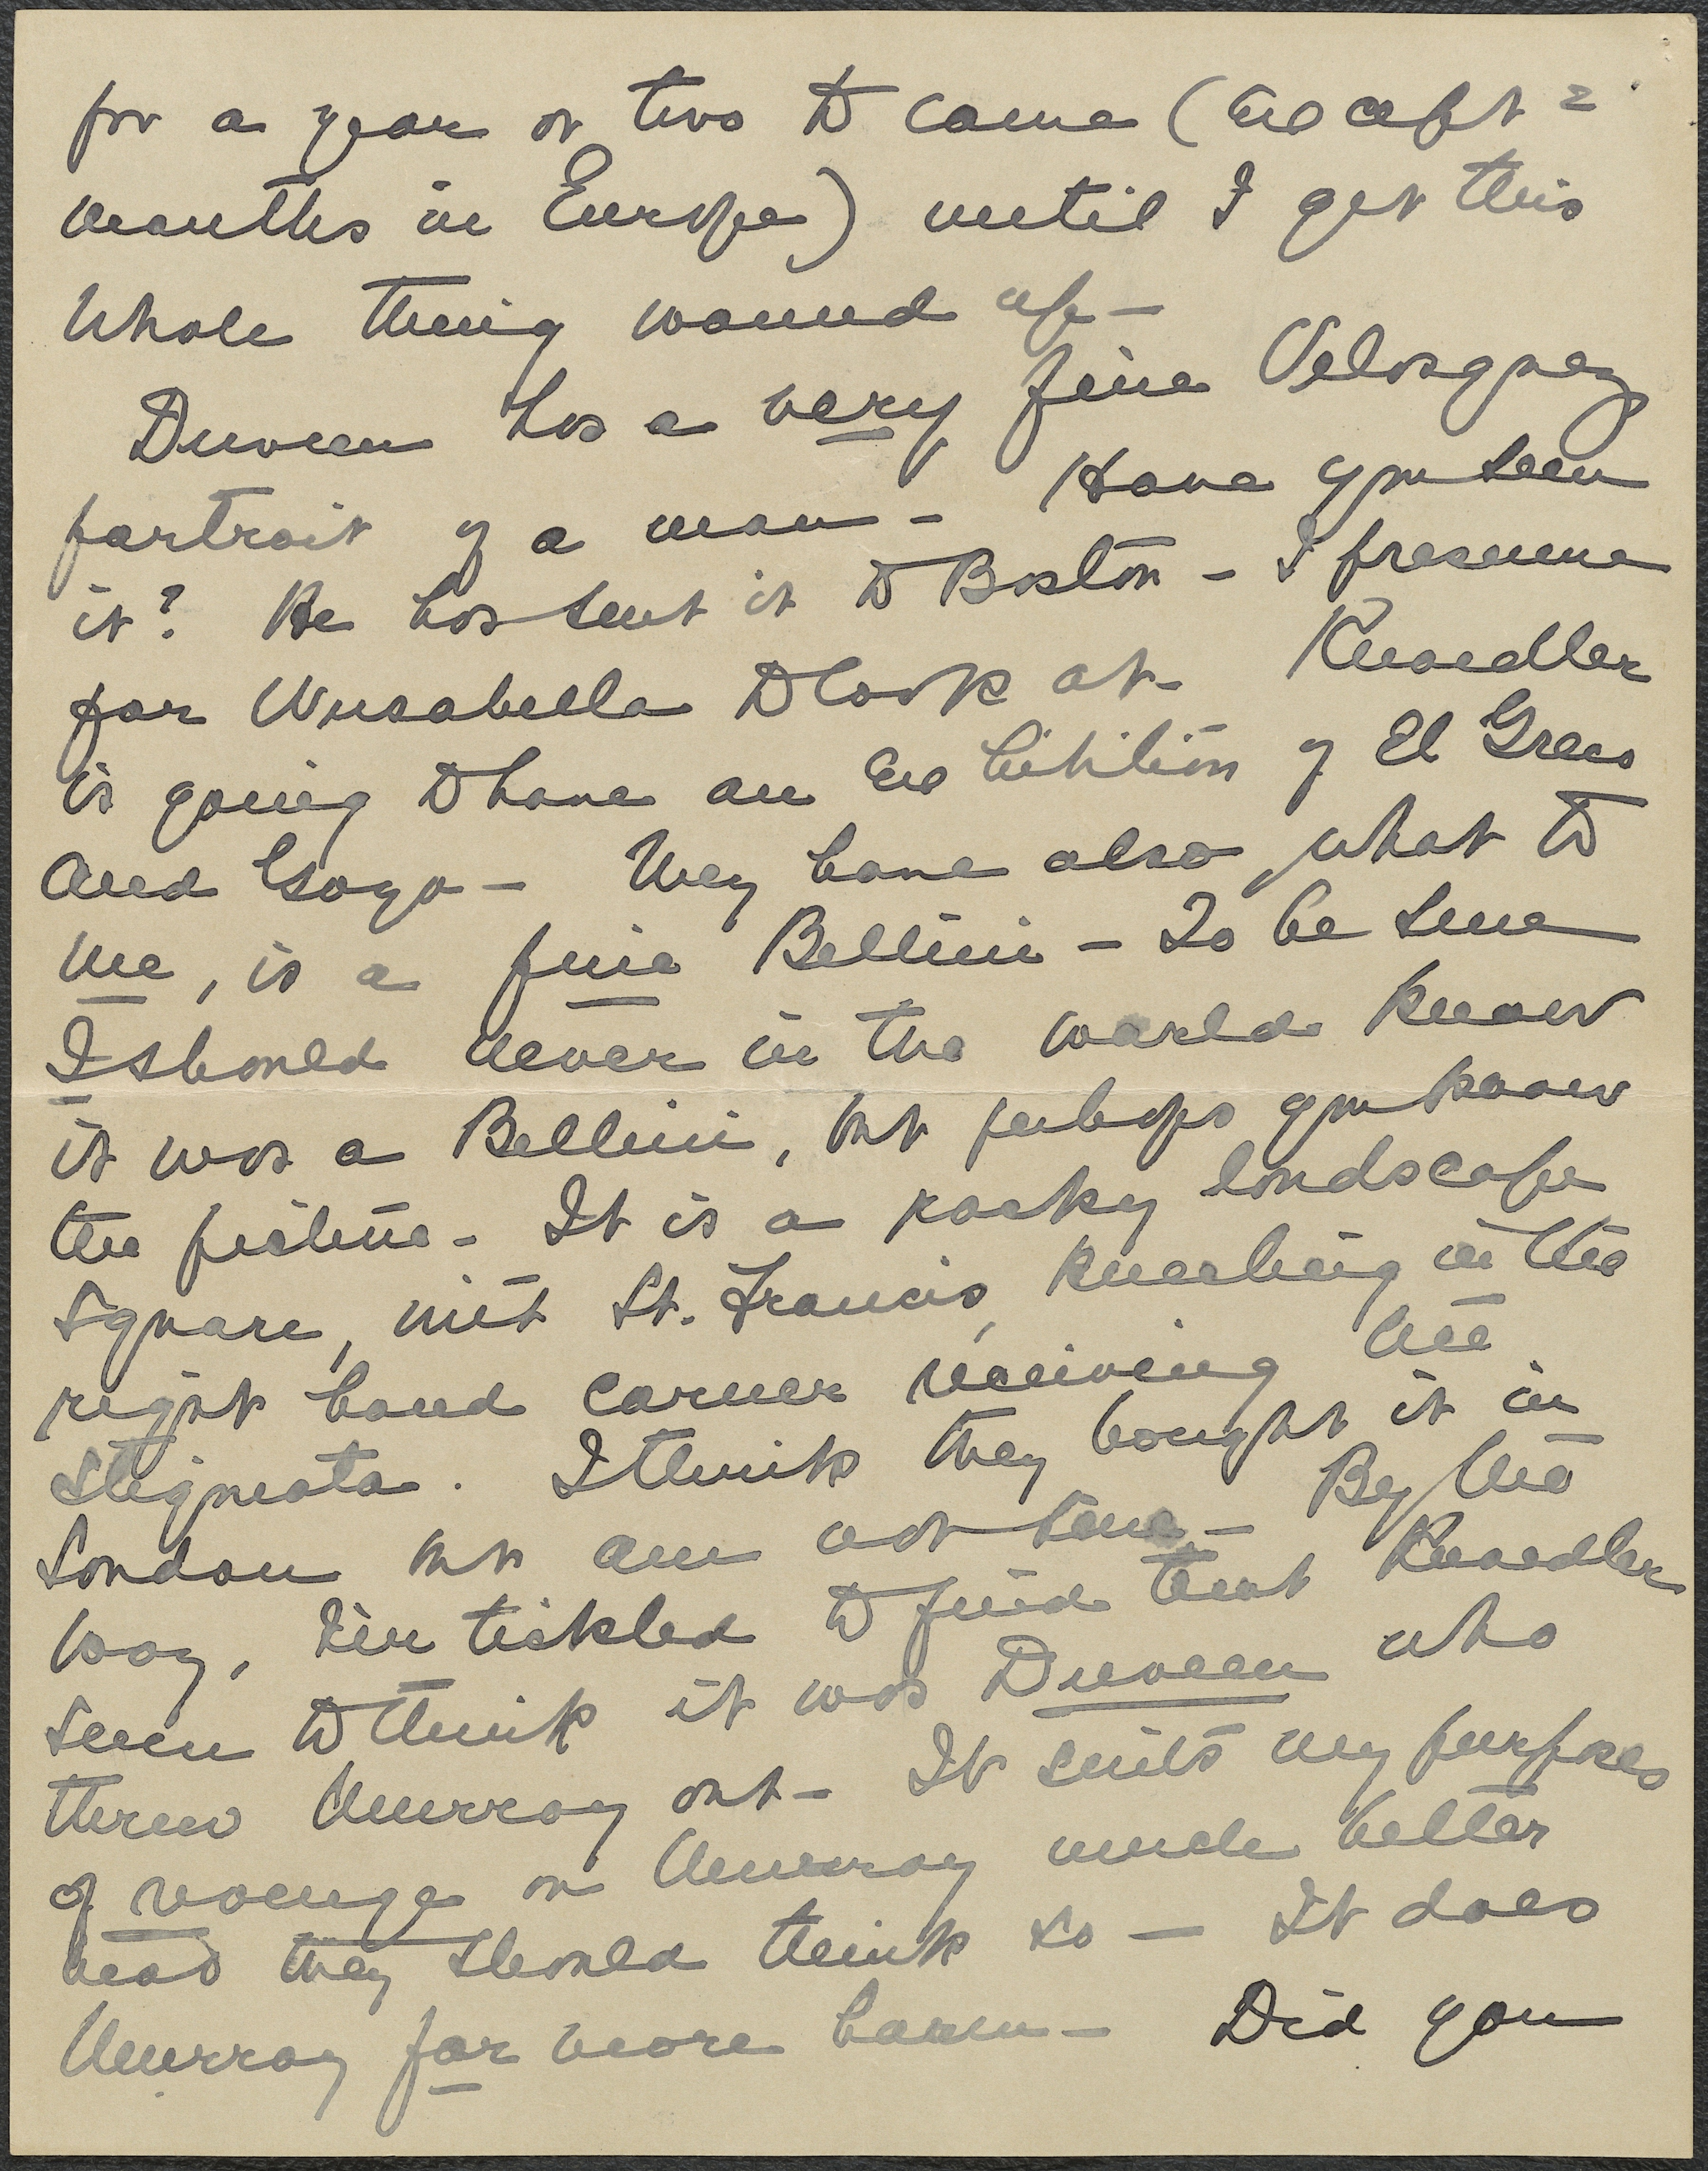for a year or two to come (except 2 months in Europe) until I get this whole thing wound up –
Duveen has a very fine Velasquez portrait of a man – Have you seen it? He has sent it to Boston – I presume for Wusabella to look at – Knoedler is going to have an exhibition of El Greco and Goya – They have also what to me, is a fine Bellini – To be sure I should never in the world know it was a Bellini, but perhaps you know the picture – It is a rocky landscape square, with St. Francis, kneeling in the right hand corner receiving the stigmata. I think they bought it in London but am not sure – By the way, I’m tickled to find that Knoedler seem [sic] to think it was Duveen who threw Murray out – It suits my purposes of revenge on Murray much better than they should think so – It does Murray far more harm – Did you